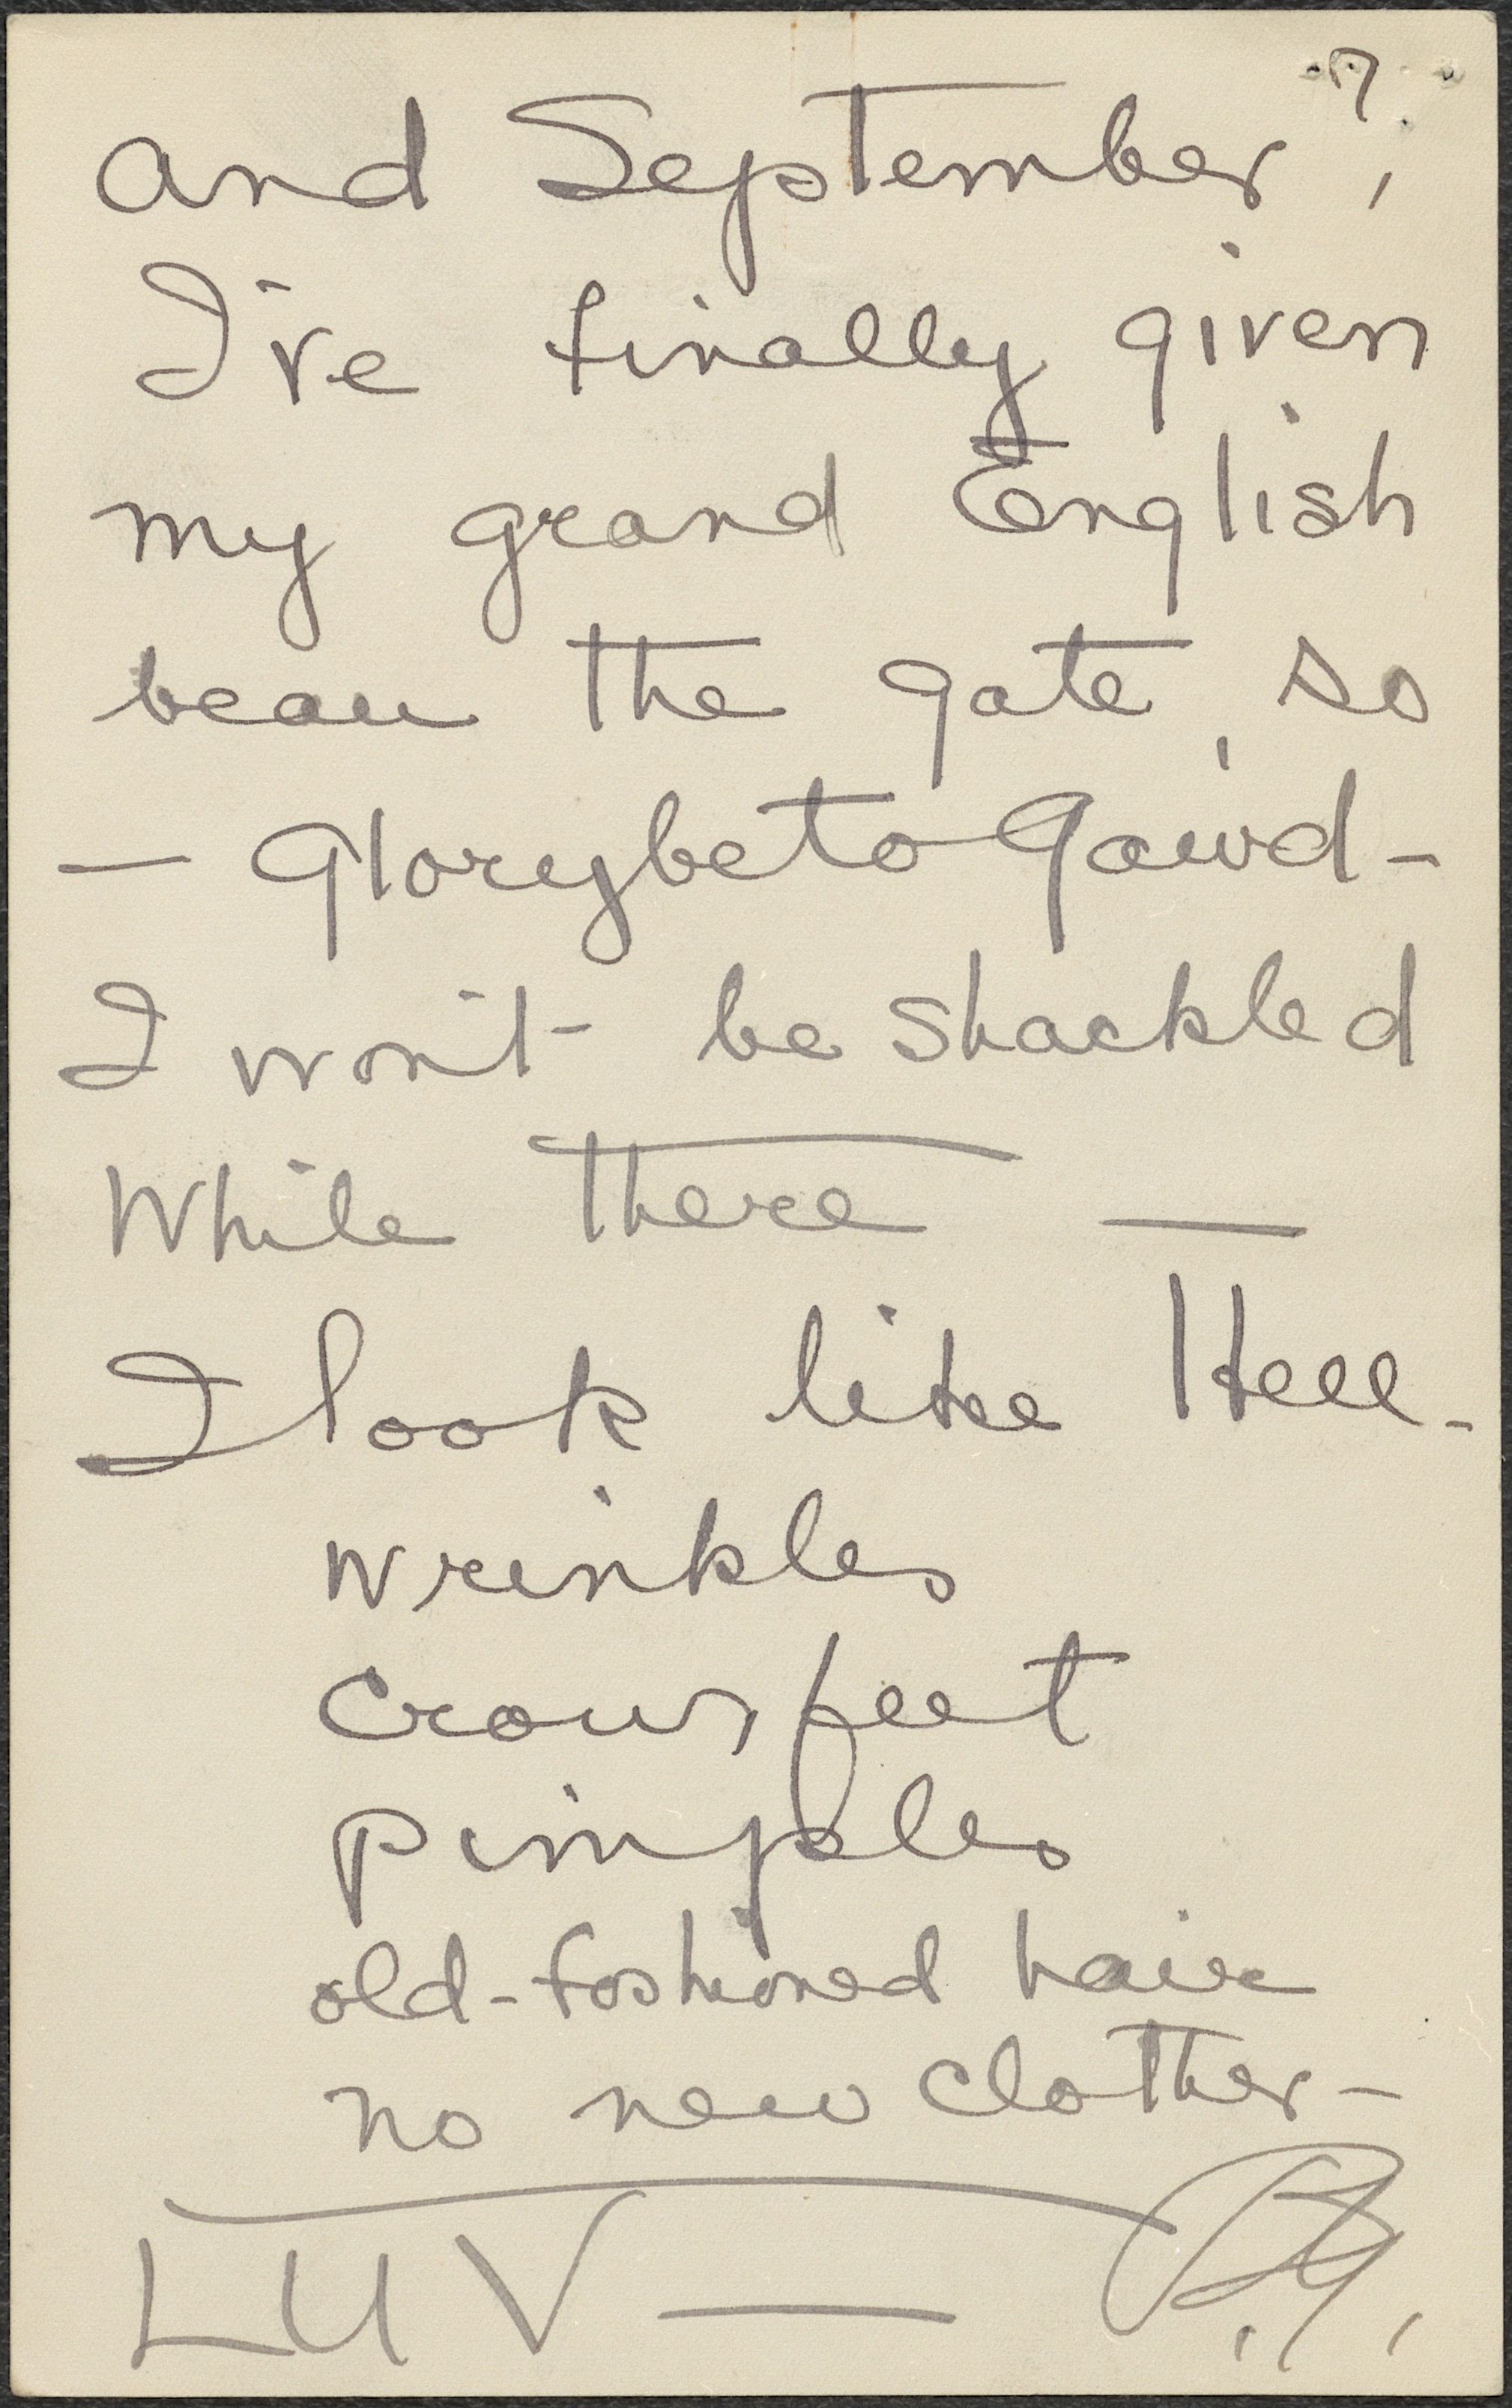and September?
I’ve finally given my grand English beau the gate, so – glorybetogawd – I won’t be shackled while there –
I look like Hell.
wrinkles
crowsfeet
pimples
old-fashioned hair
no new clothes –
LUV – B.G.